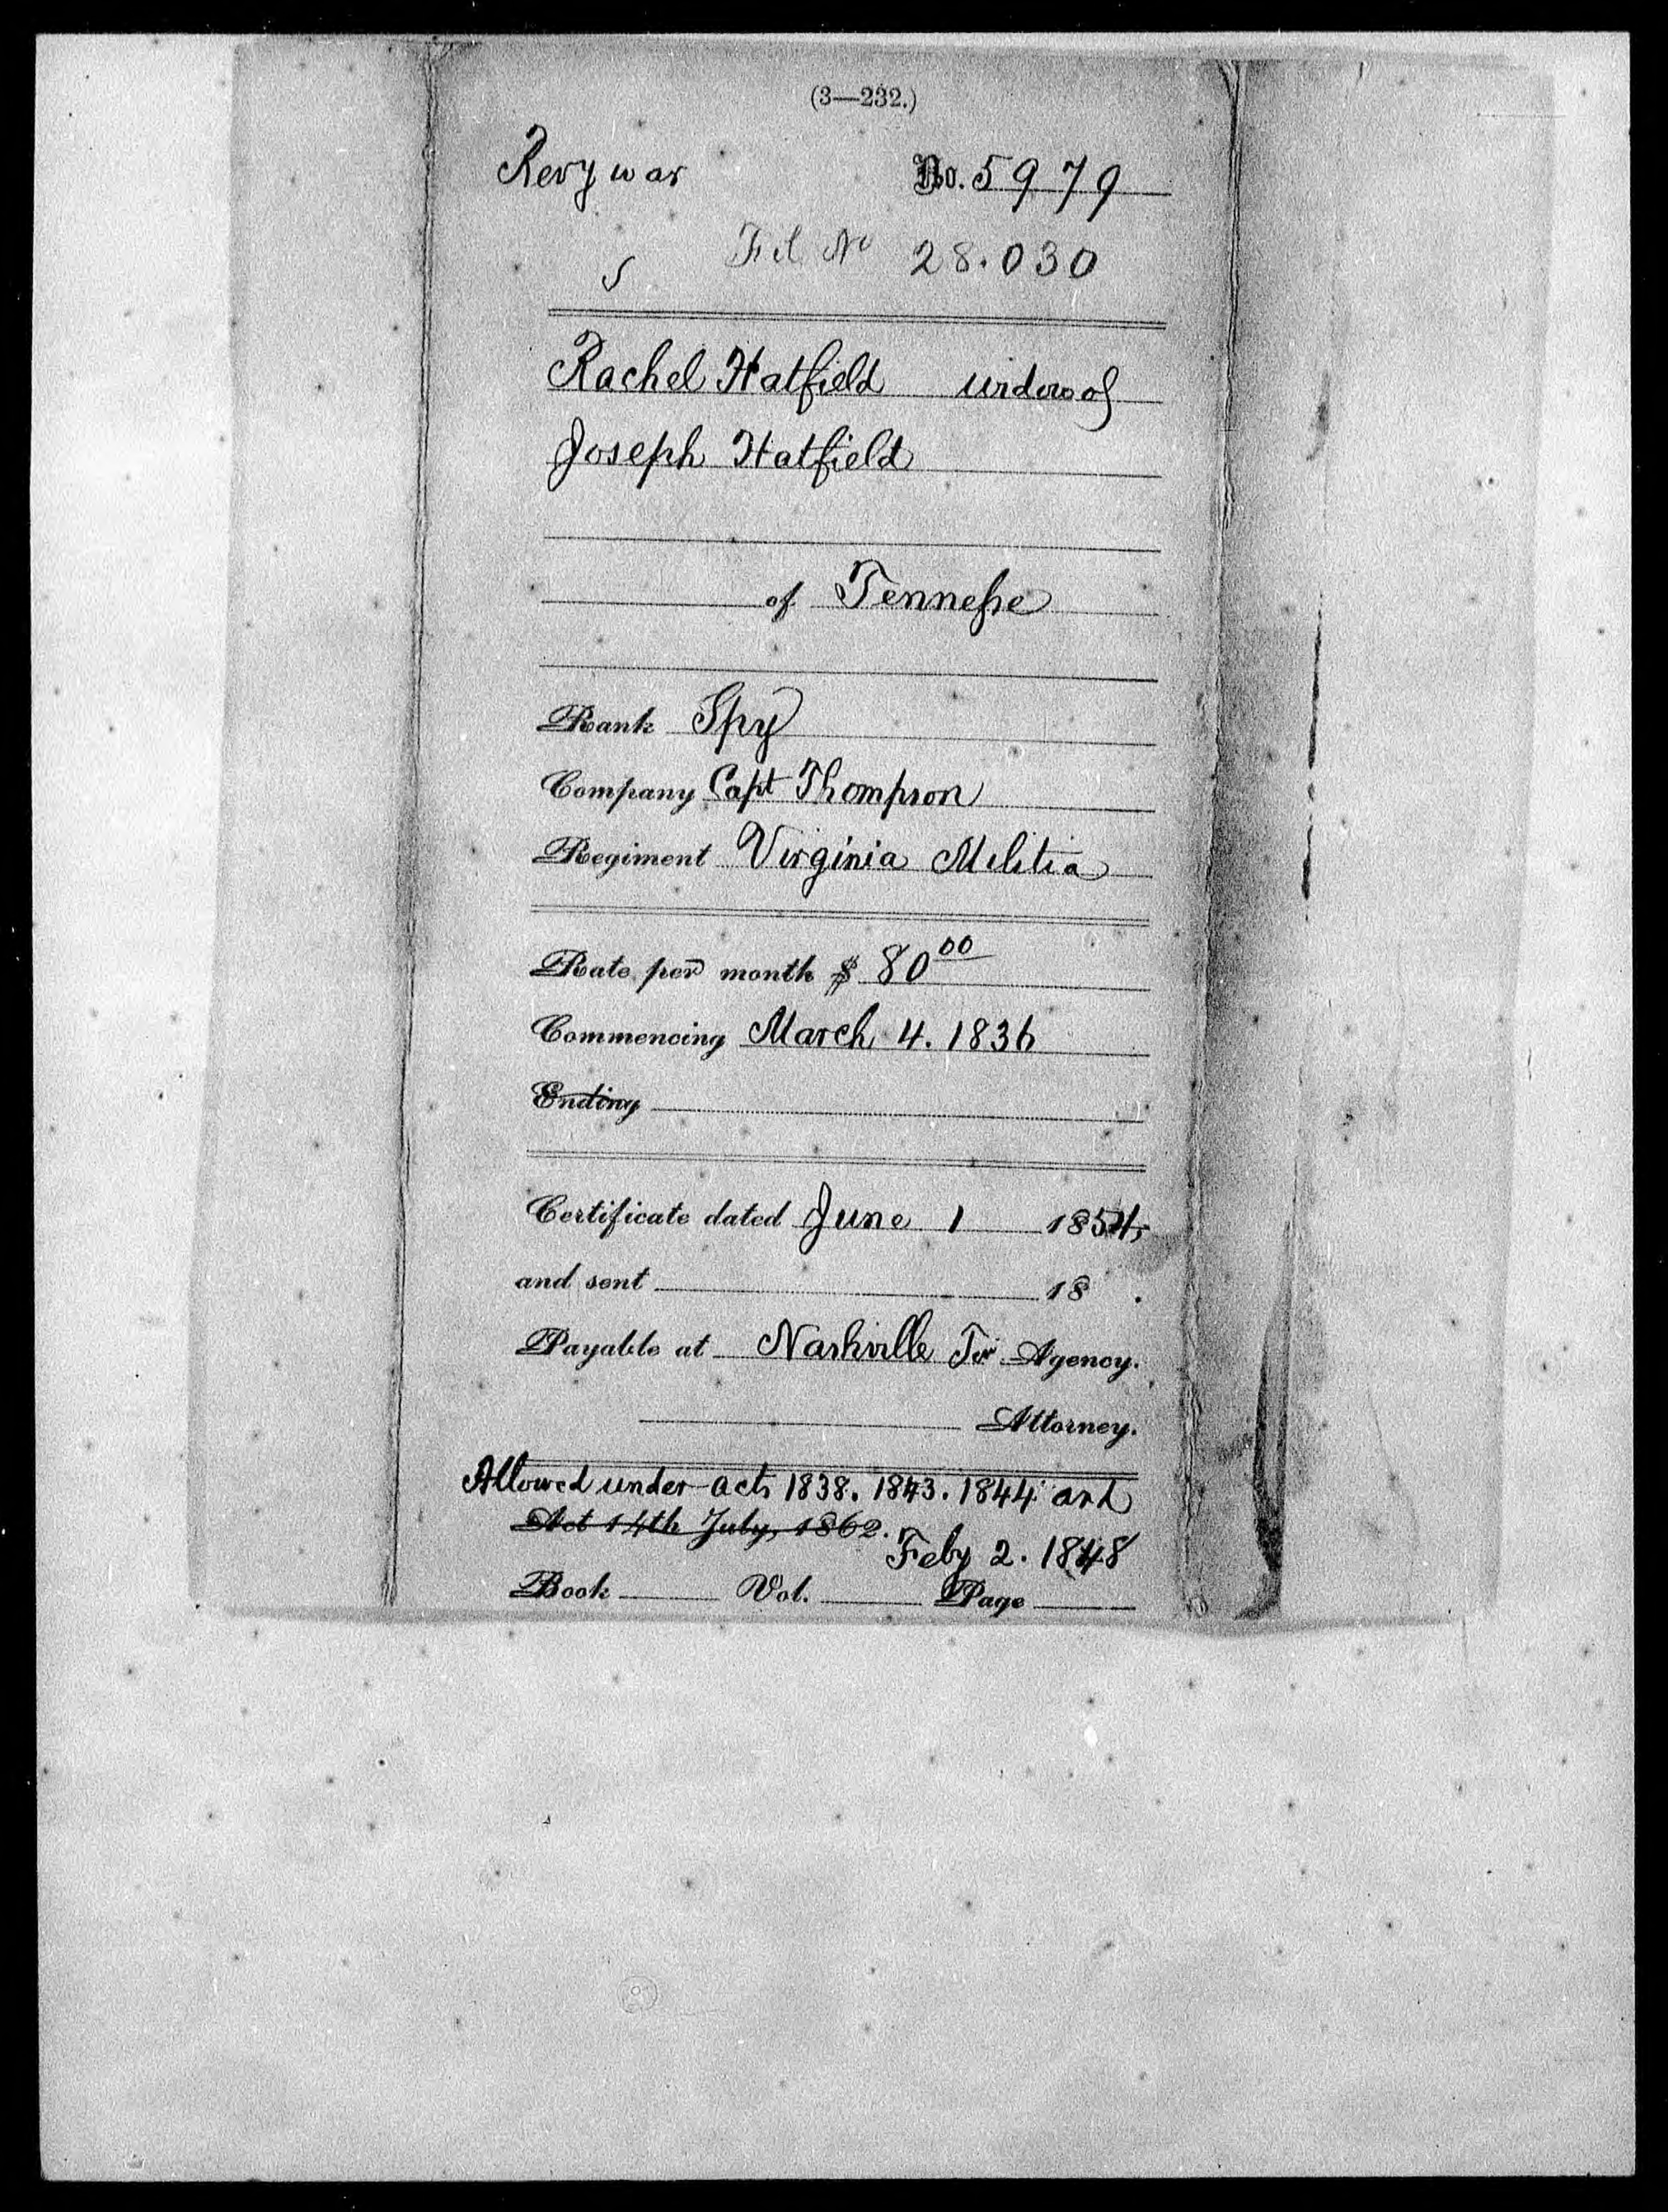(3-232.)
Rev war No. 5979
File No 28,030
S
Rachel Hatfield widow of
Joseph Hatfield

of Tennessee

Rank Spy
Company Capt Thompson
Regiment Virginia Militia

Rate per month $80.00
Commencing March 4, 1836

Certificate dated June 1, 1854,
and sent - 18
Payable at Nashville Ten. Agency.
Attorney.
Allowed under Acts 1843, 1844 and
Feby 2. 1848
Book - Vol. - Page -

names: Thompson, Joseph Hatfield, Rachel Hatfield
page: 34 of 74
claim: widow's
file: W. 5, Joseph Hatfield, Va.